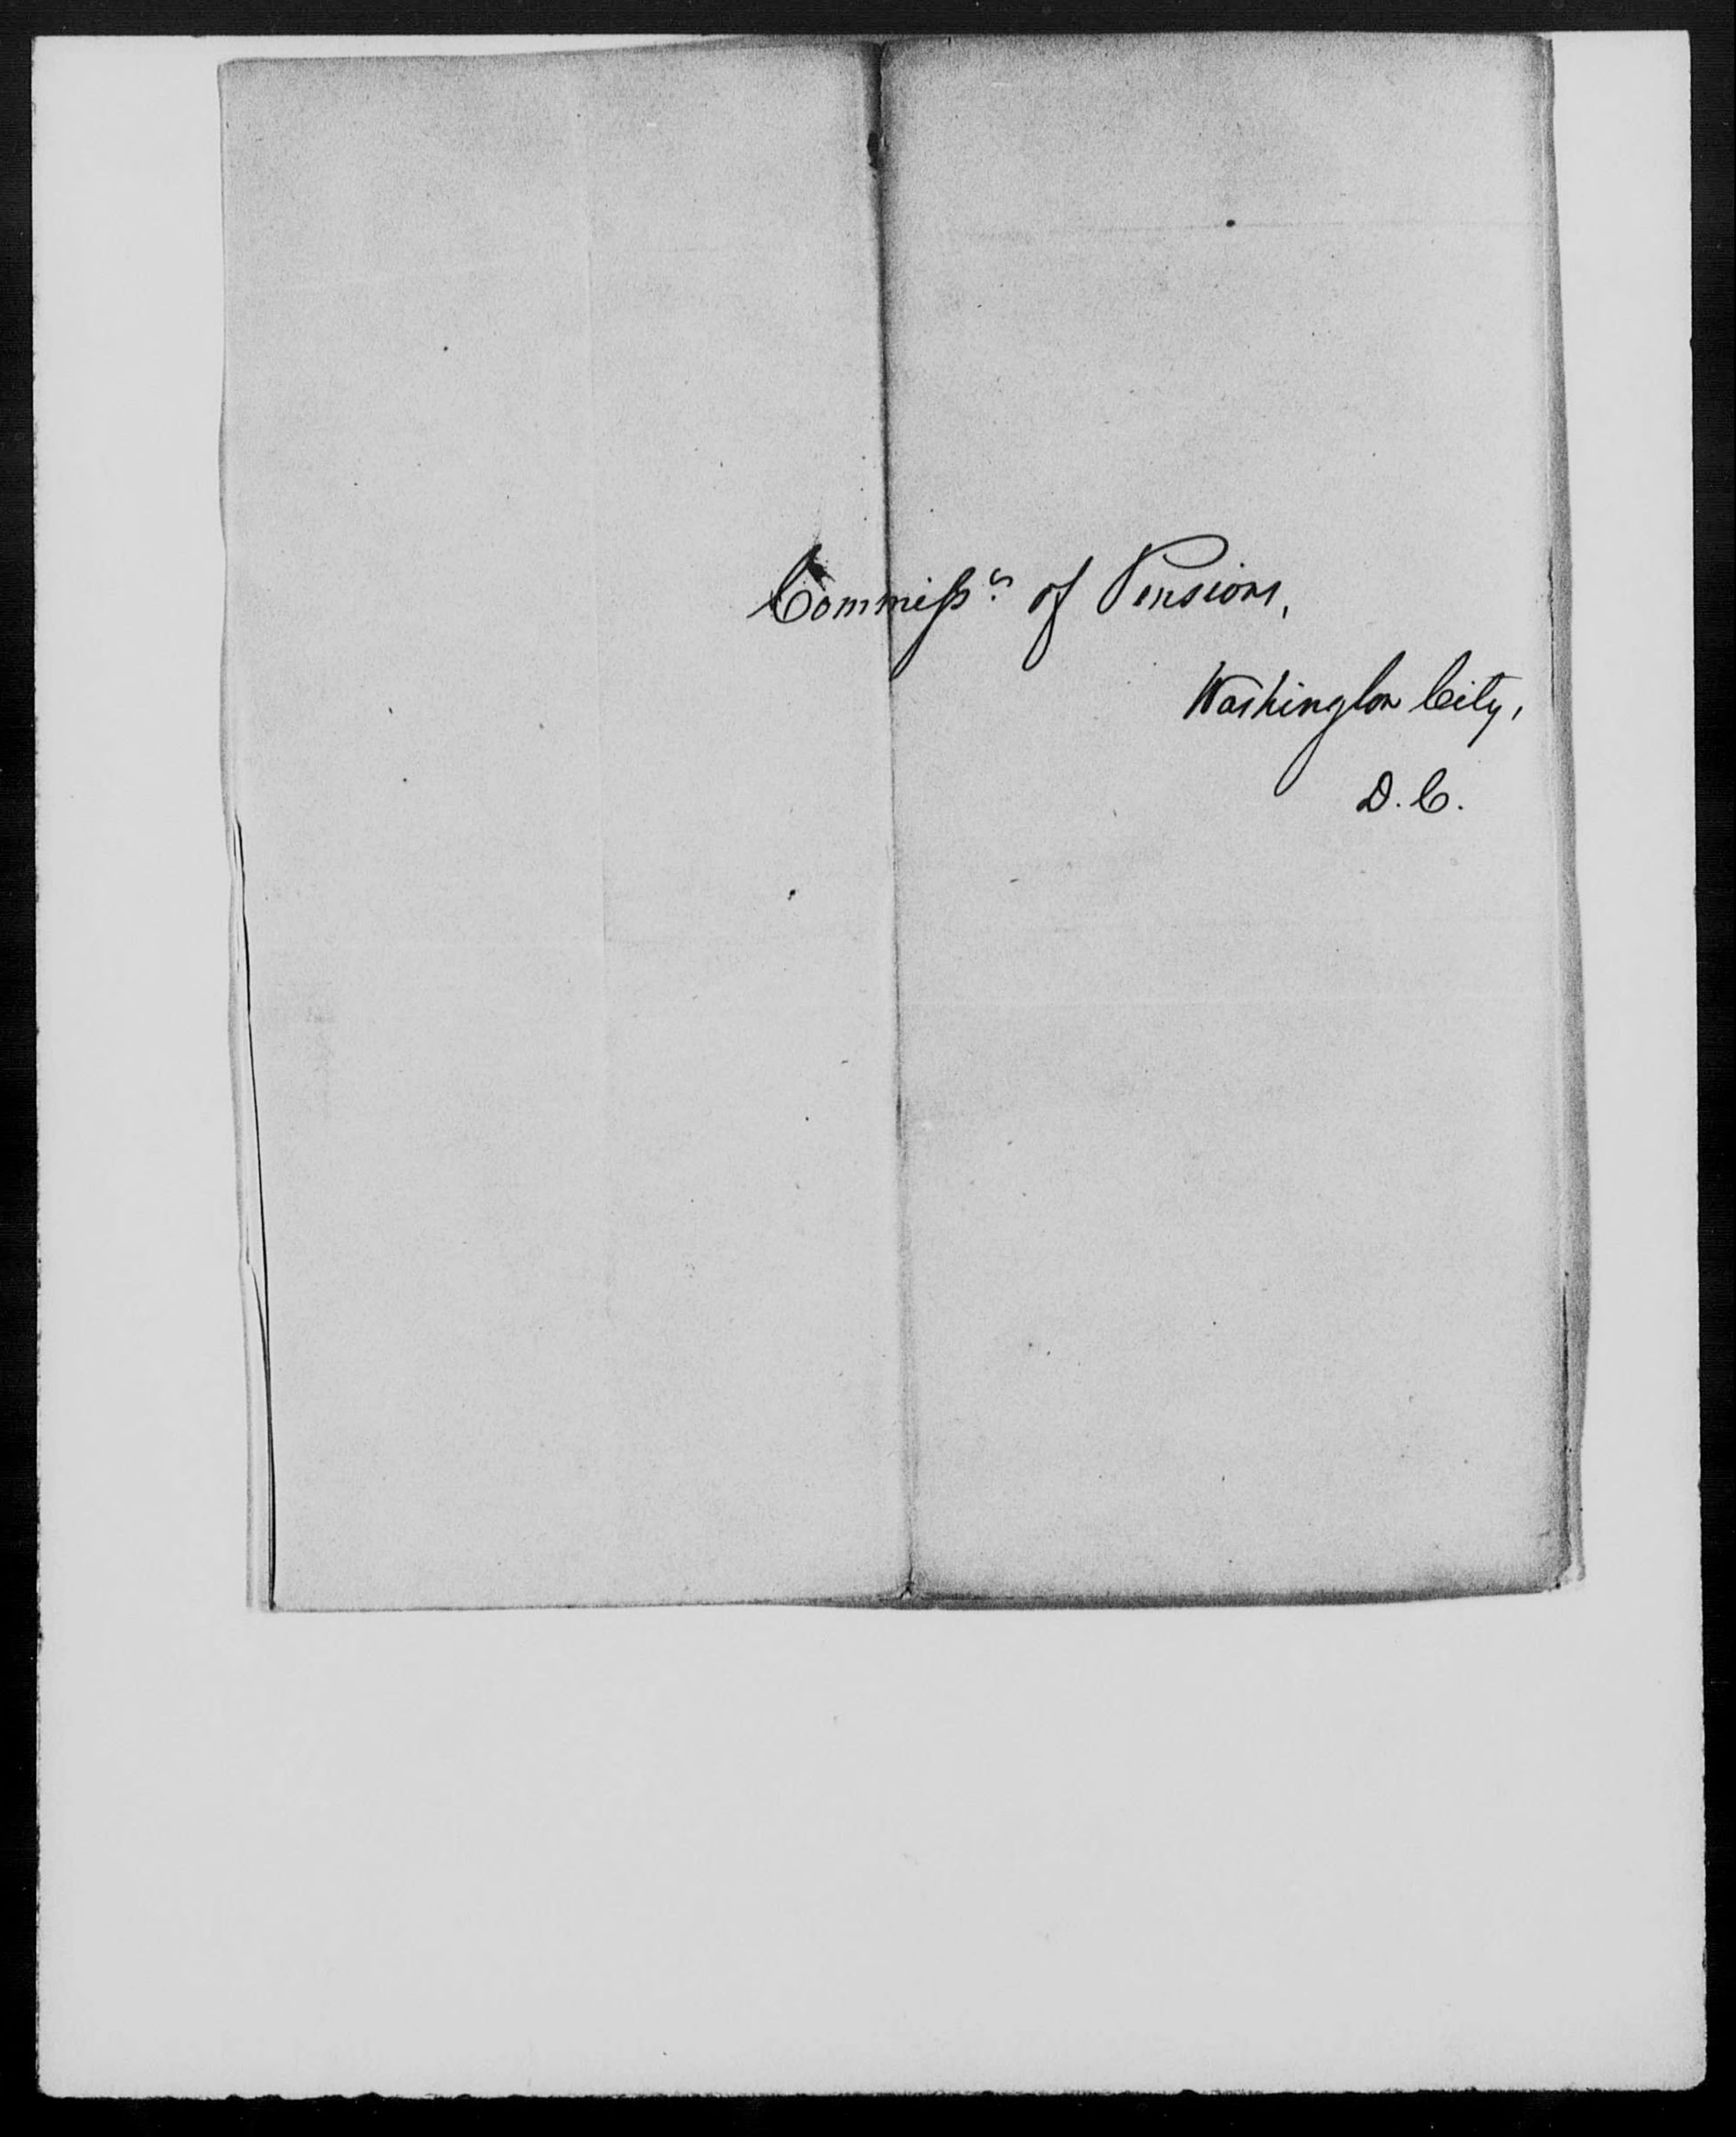Commip.s of Pension, 
Washington City, 
D. C.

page: 32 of 33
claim: rejected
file: R. 155, David Allison, N.C.